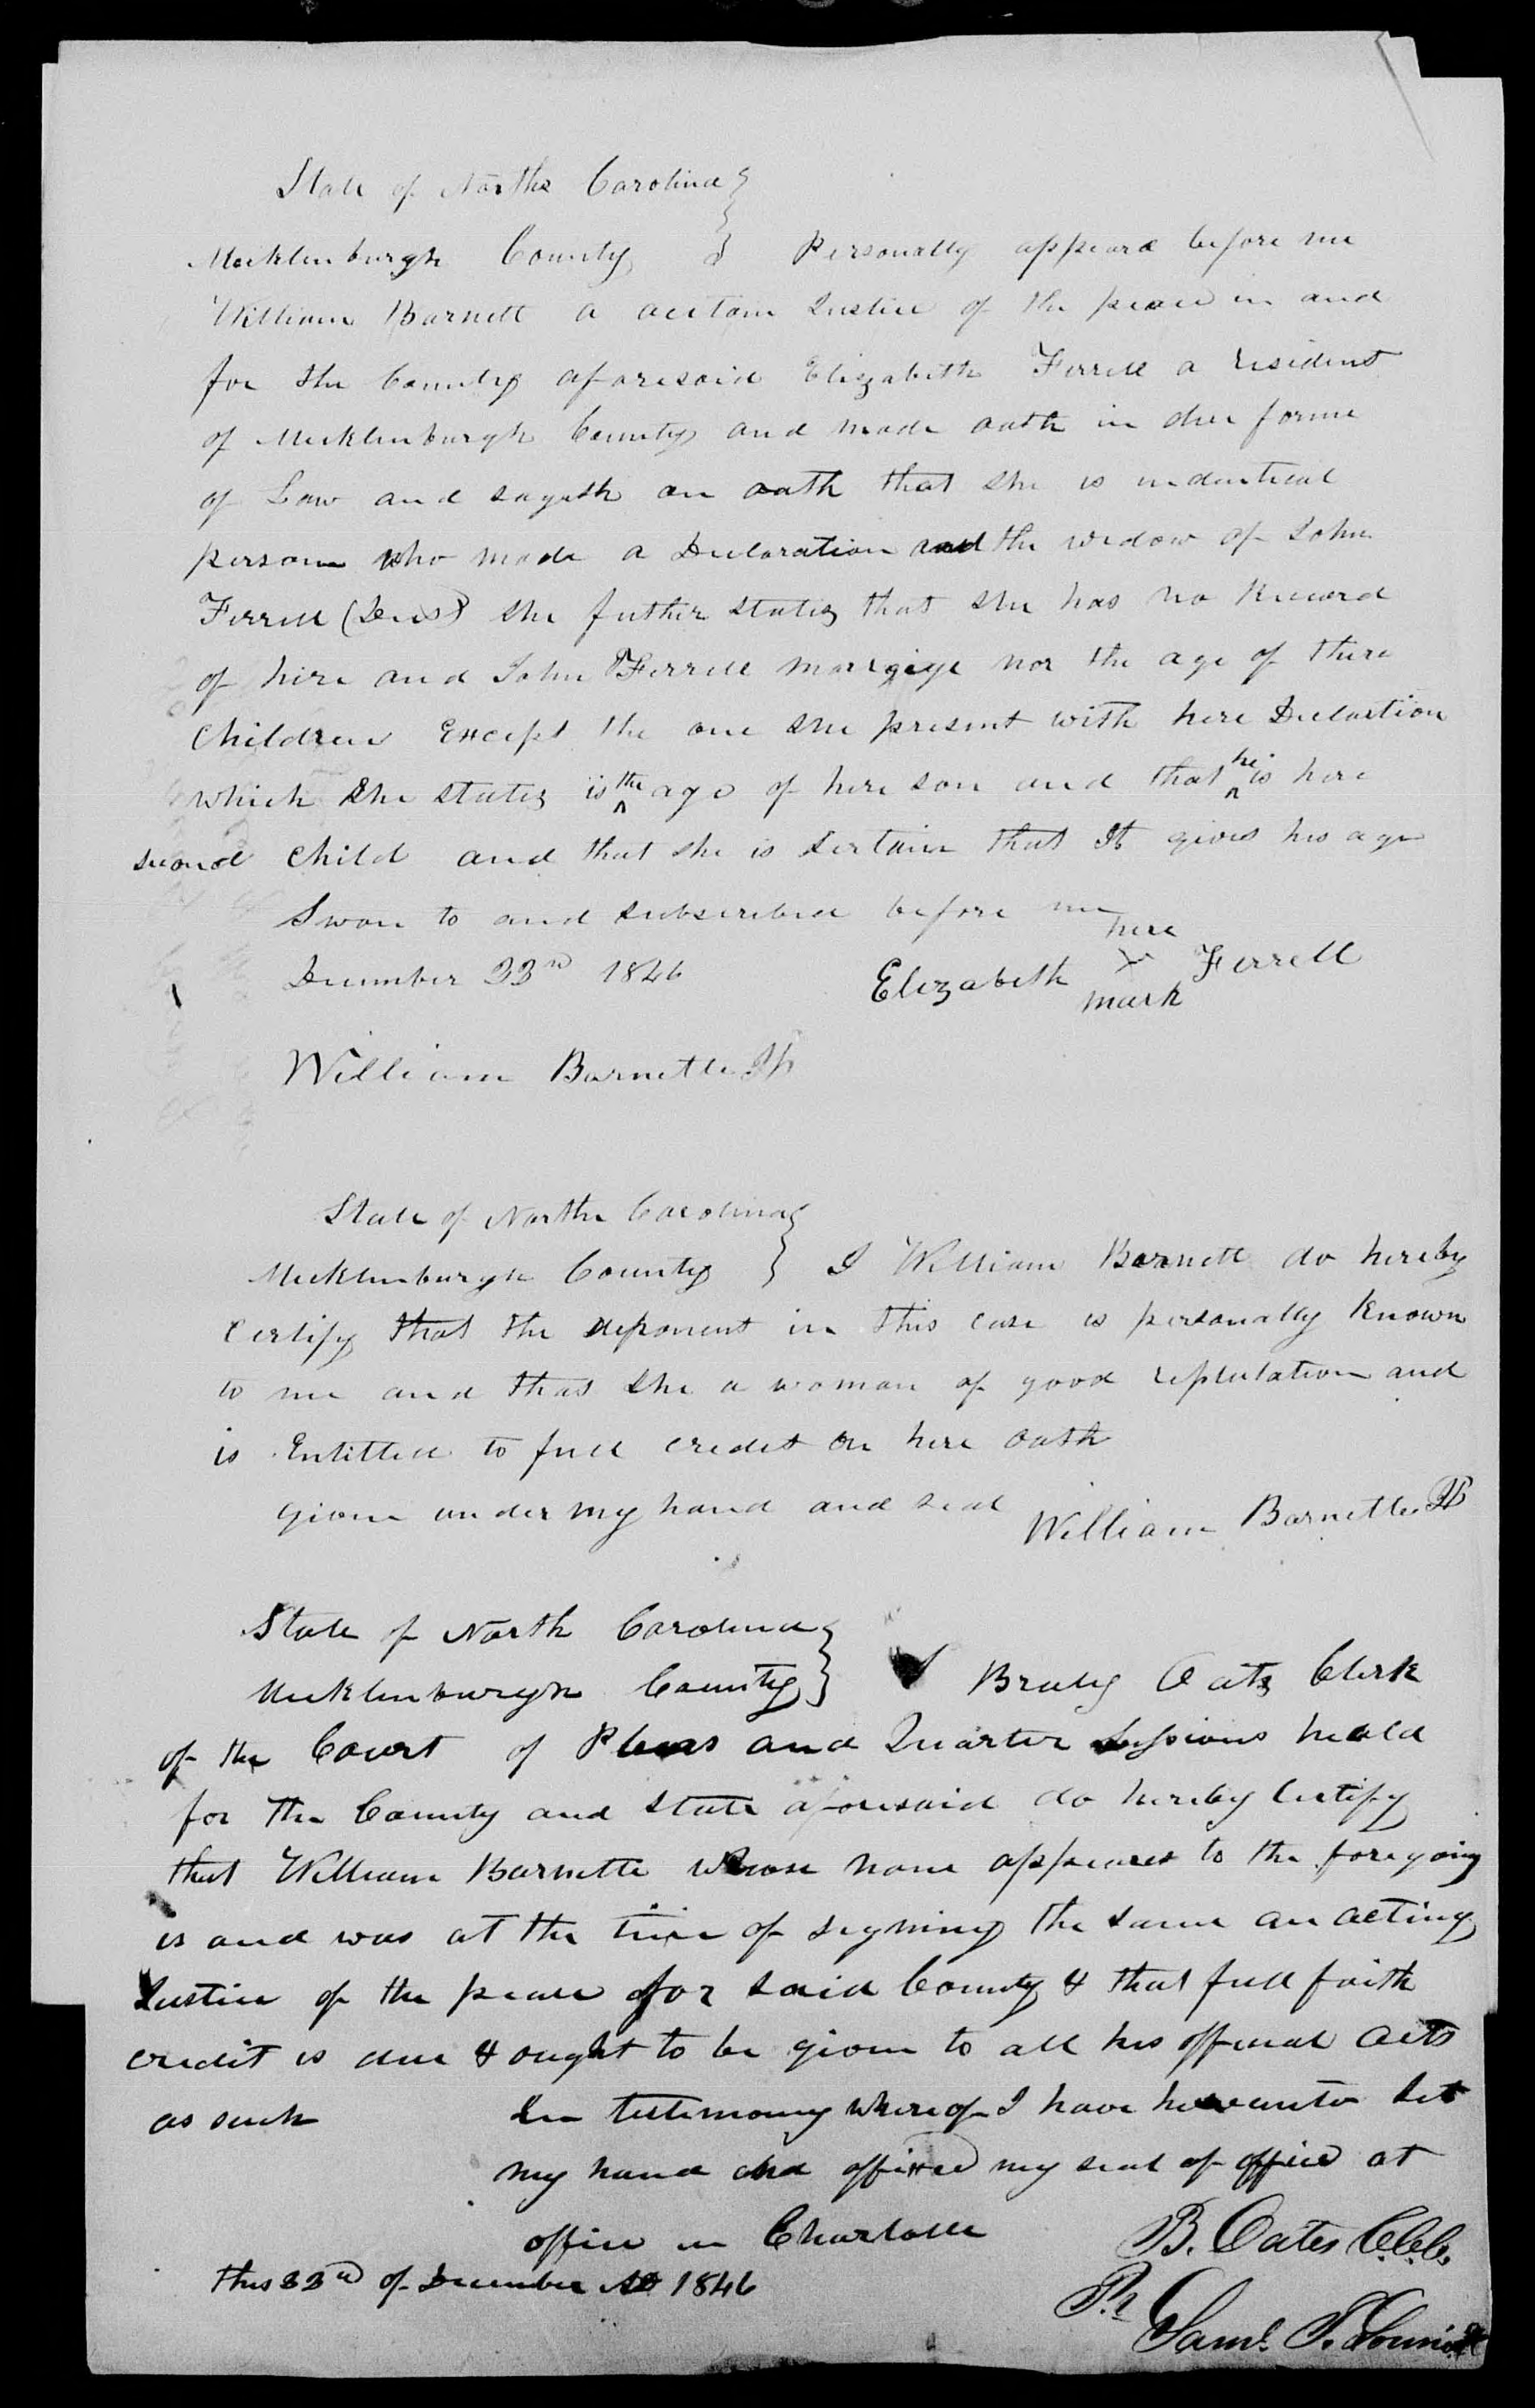State of North Carolina
Meckenburgh County
Personally appeared before me William Barnett a acting Justice of the peace in and for the County aforesaid Elizabeth Ferrell a resident of Meckenburgh County and made oath in due forme of Law and sayeth an oath that she is :illegible: person who made a Declaration and the widow of John Ferrell :illegible: she further states that she has no record of hire and John Ferrell marriage nor the age of there children except the one she present with here Declaration which she states in the age of here son and that he is here second child and that she is certain that it gives his age.
Sworn to and subscribed before me.
December 23rd 1826
William Barnette JP
Elizabeth Ferrell here mark

State of North Carolina 
Meckenburgh County
I William Barnett do hereby certify that the deponent in this case is personally known to me and that she a woman of great reputation and iS entitled to full credit on her oath.
Given under my hand and seal.
William Barnette JP
State of North Carolina
Meckenburgh County
Brady Oates Clerk of the Court of Pleas and Quarter Sessions held for the County and State aforesaid do hereby certify that William Barnette whose now appeared to the foregoing is and was at the time of signing the :illegible: are acting Justice of the peace for said County & that full faith credit is due & ought to be given to all his official acts as such.
His testimony whereof I have hereunto let my hand had affixed my seal of office at office in Charlotte.
This 23rd of December AD 1846 
B. Oates Clerk
Pr. :illegible:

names: Braly Oats, William Barnette, Saml J Sowrie, John Ferrell, Elizabeth Ferrell, William Barnett, John Ferrell, Elizabeth Ferrell, William Barnett, William Barnette, William Barnette, B Oates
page: 25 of 52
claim: rejected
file: R. 3,512, John Ferrell, N.C.